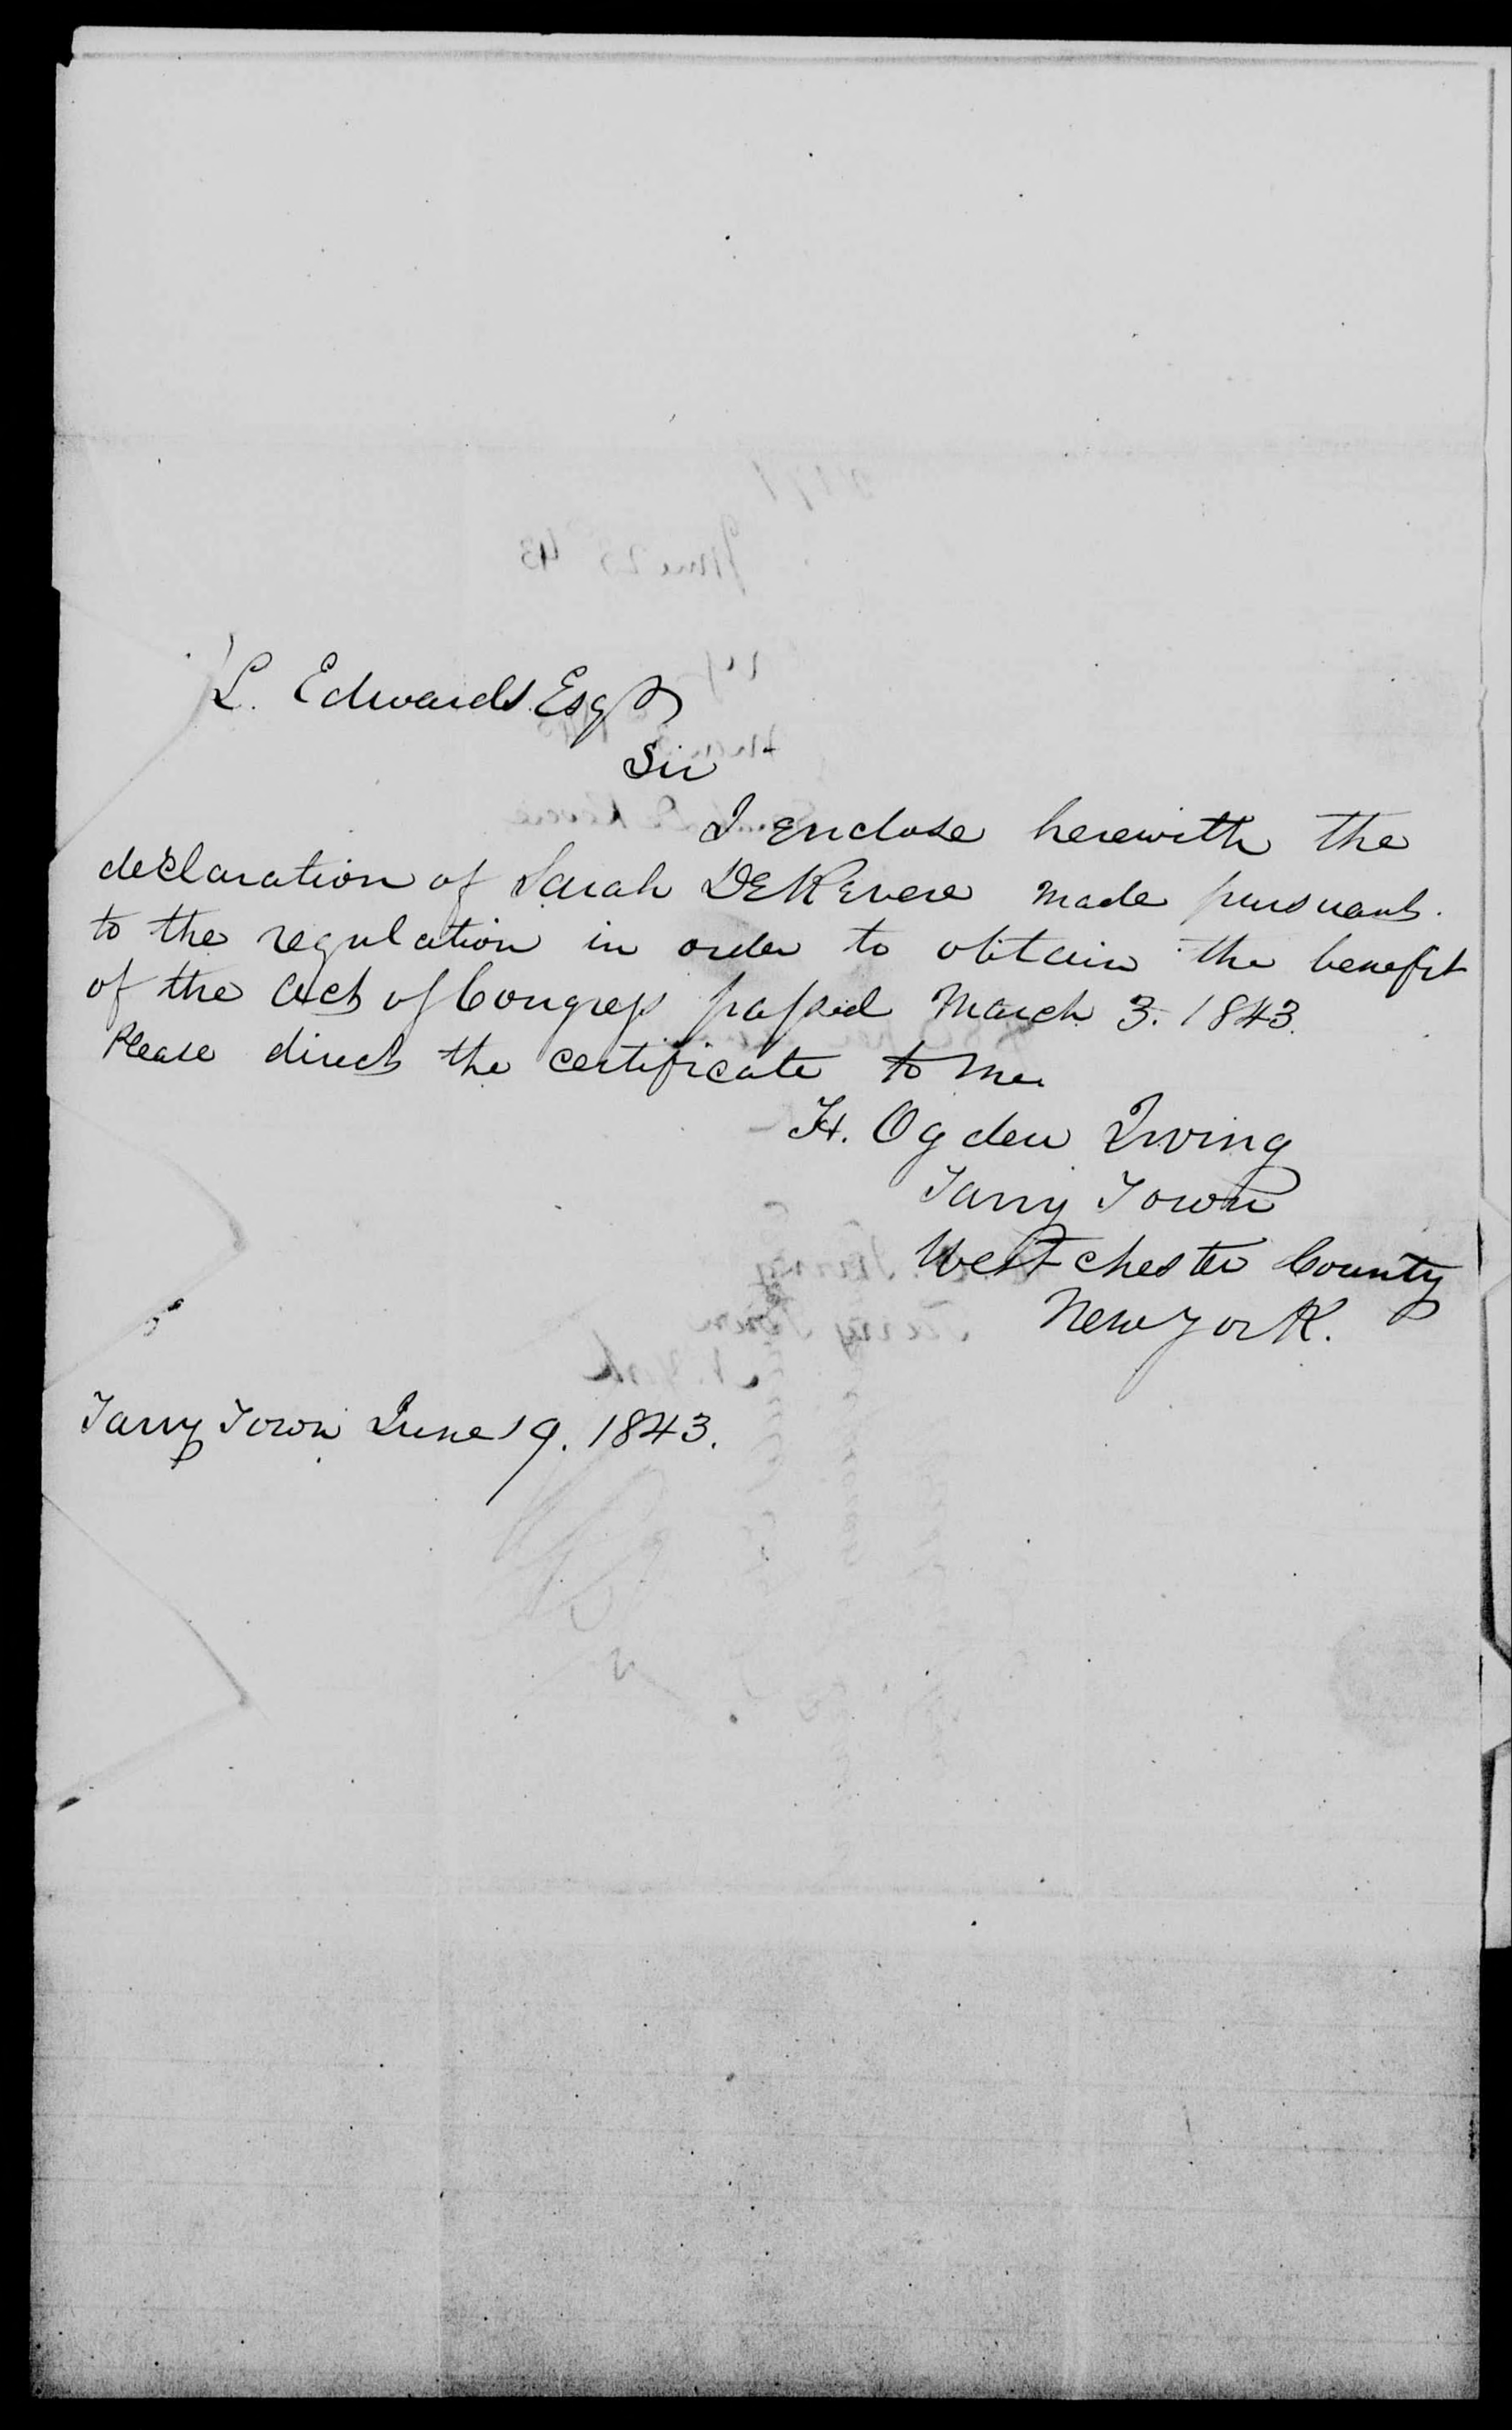L. Edwards Esqr
Sir
I enclose herewith the declaration of Sarah De Revere made pursuant to the regulation in order to obtain the benefit of the Act of Congress passed March 3, 1843.
Please direct the certificate to me
H. Ogden Irving
Tarry Town 
West Chester County
New York

Tarry Town June 19, 1843.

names: H Ogden Irving, Sarah De Revere, J L Edwards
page: 37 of 40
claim: widow's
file: W. 24057, Cornelius De Revere, New York